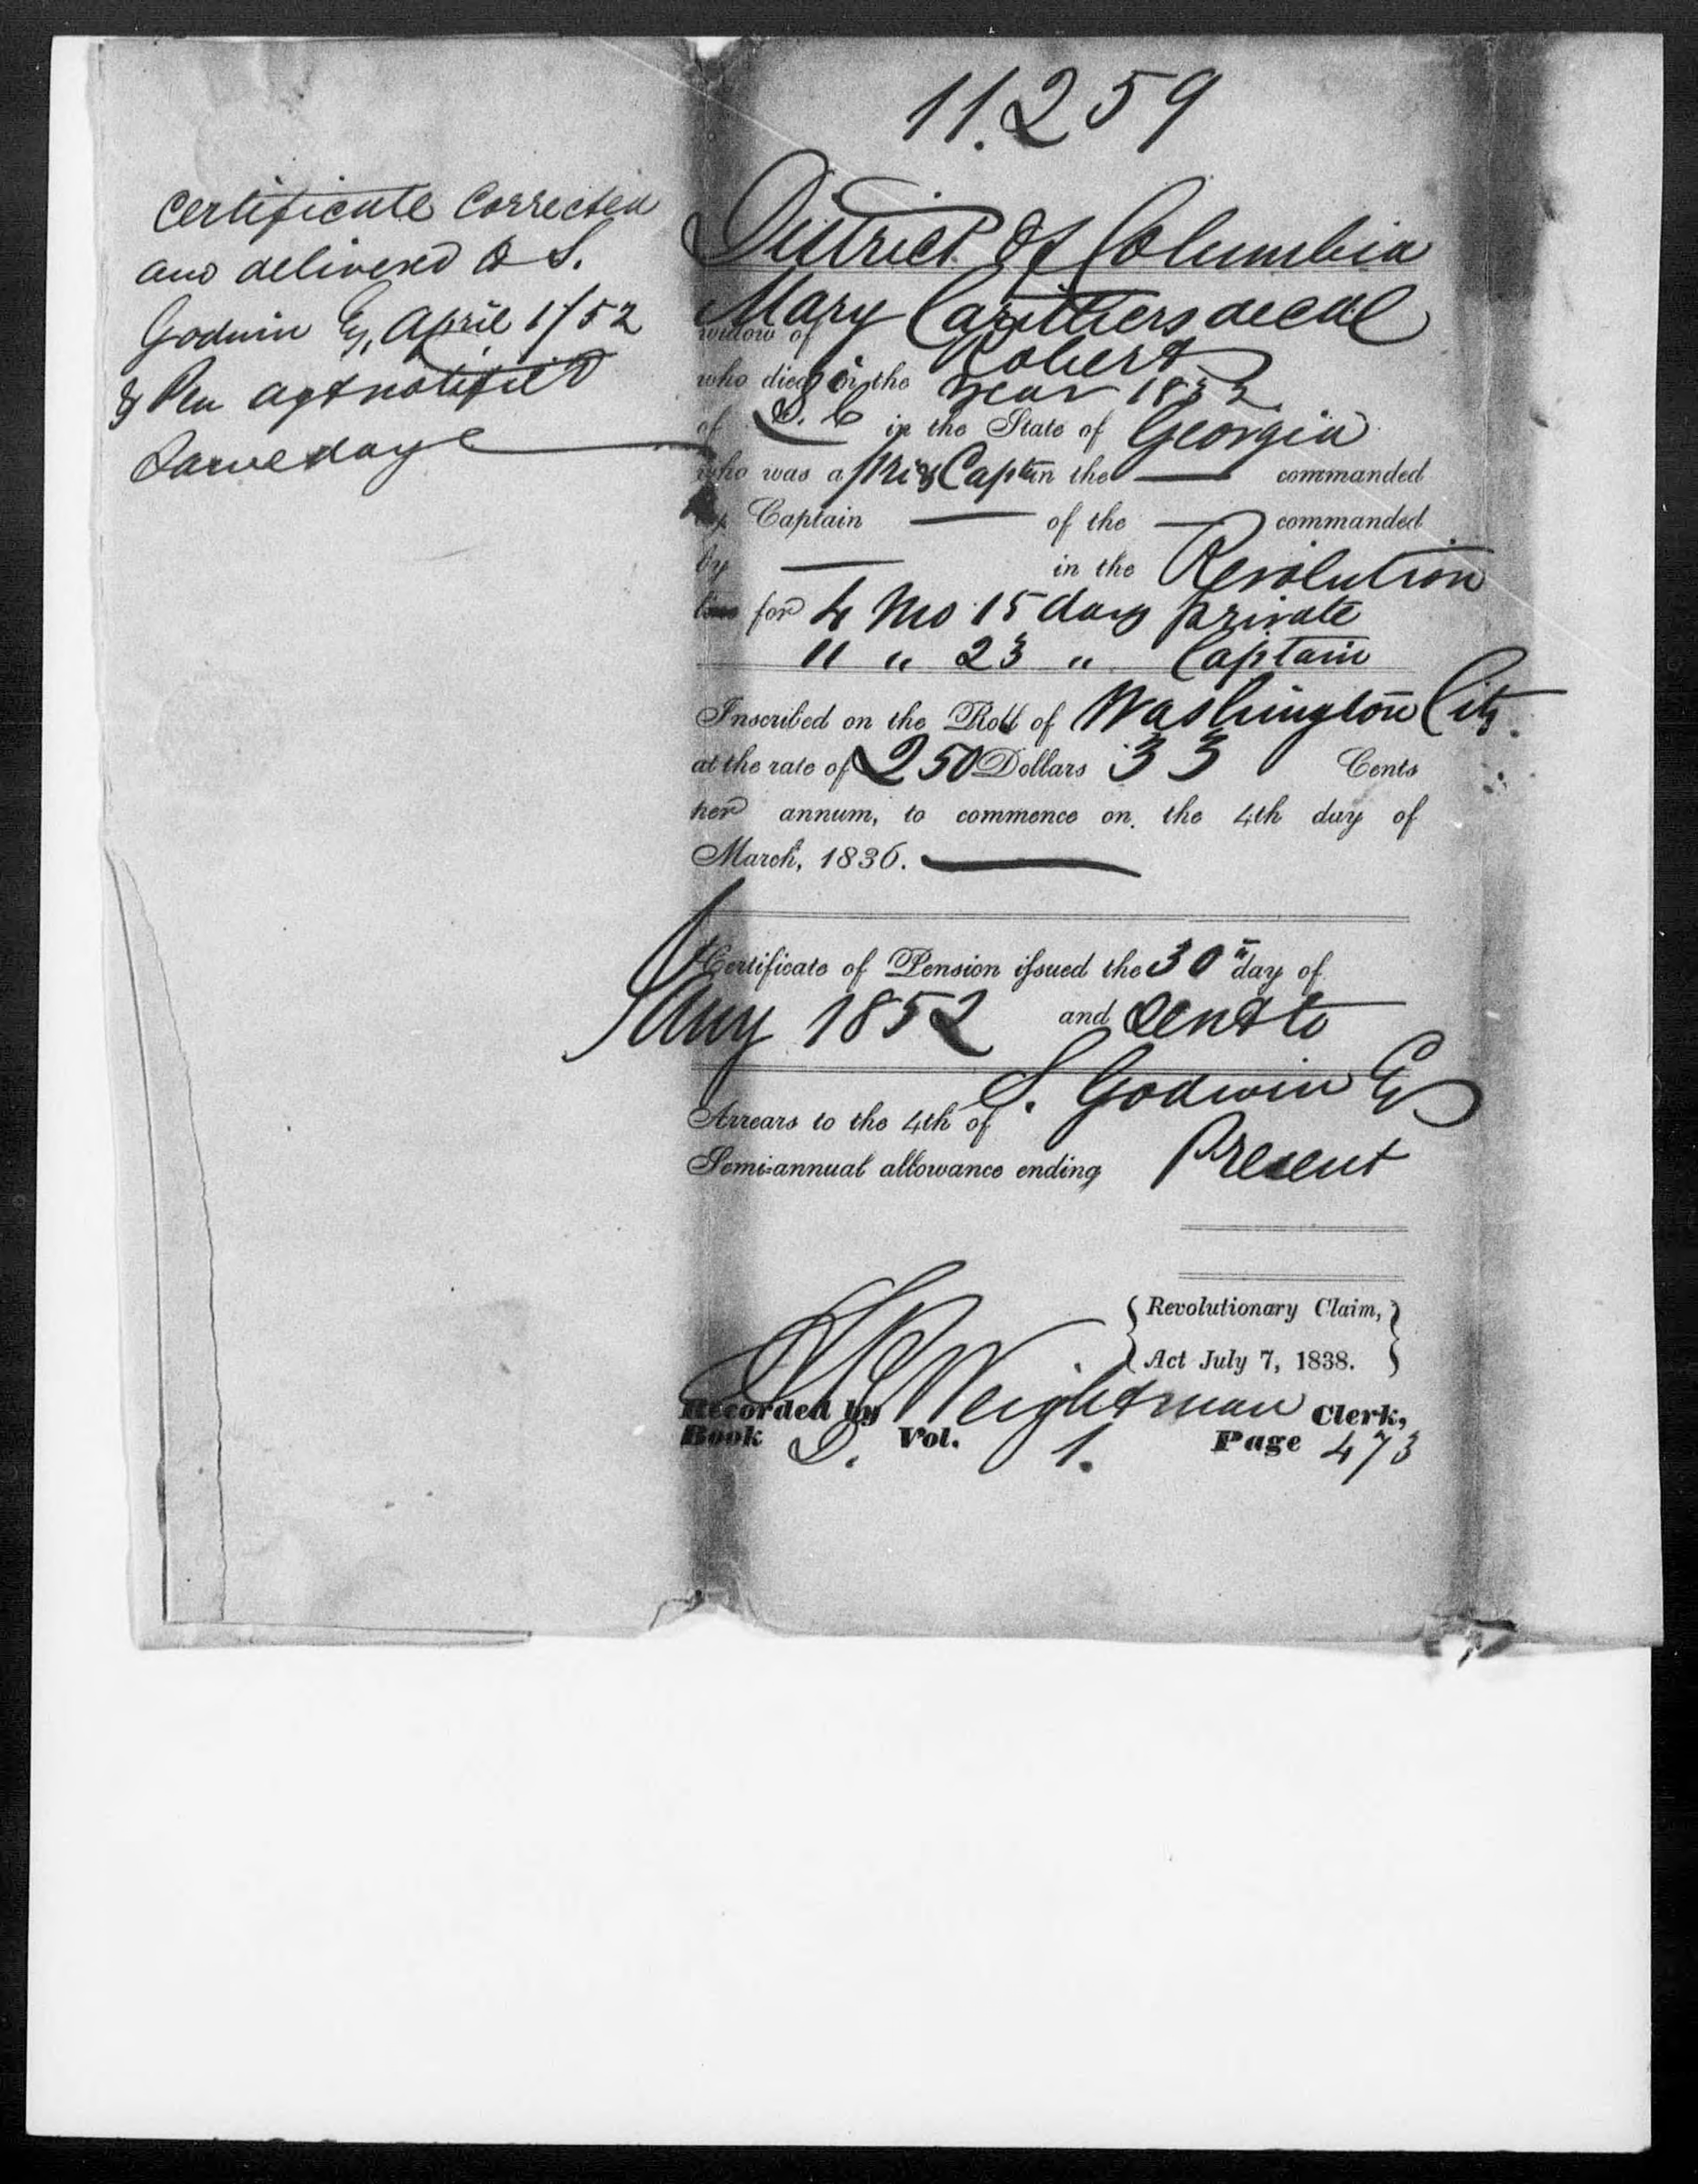certificate corrected and delivered AD Godwin April 1752 & Per agt notified same day 
11259 
District of Columbia
Mary Carithers decal widow of Robert who died in the year 1832 of SC in the State of Georgia who as a pri & captain in the command captain of the commanded by in the Revolution time for 4 mo 15 day private 
11 " 23" captain
Inscribed on the Roll of Washington City at the rate of 250 Dollars 33 cents per annum to commence on the 4th day of March 1836
Certificate of Pension issued the 30th day of Jany 1852 and sent to S Godwin Es Present Arrears to the 4th of 
Semi-annual allowance ending
Revolutionary Claim
Act July 7 1838
Recorded by SR Weighaman clerk
Bood D Vol 1 Page 473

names: Mary Carithers, S Godwin, S R Weighaman, S Godwin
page: 9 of 33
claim: widow's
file: W. 23779, Robert Carithers, S.C.